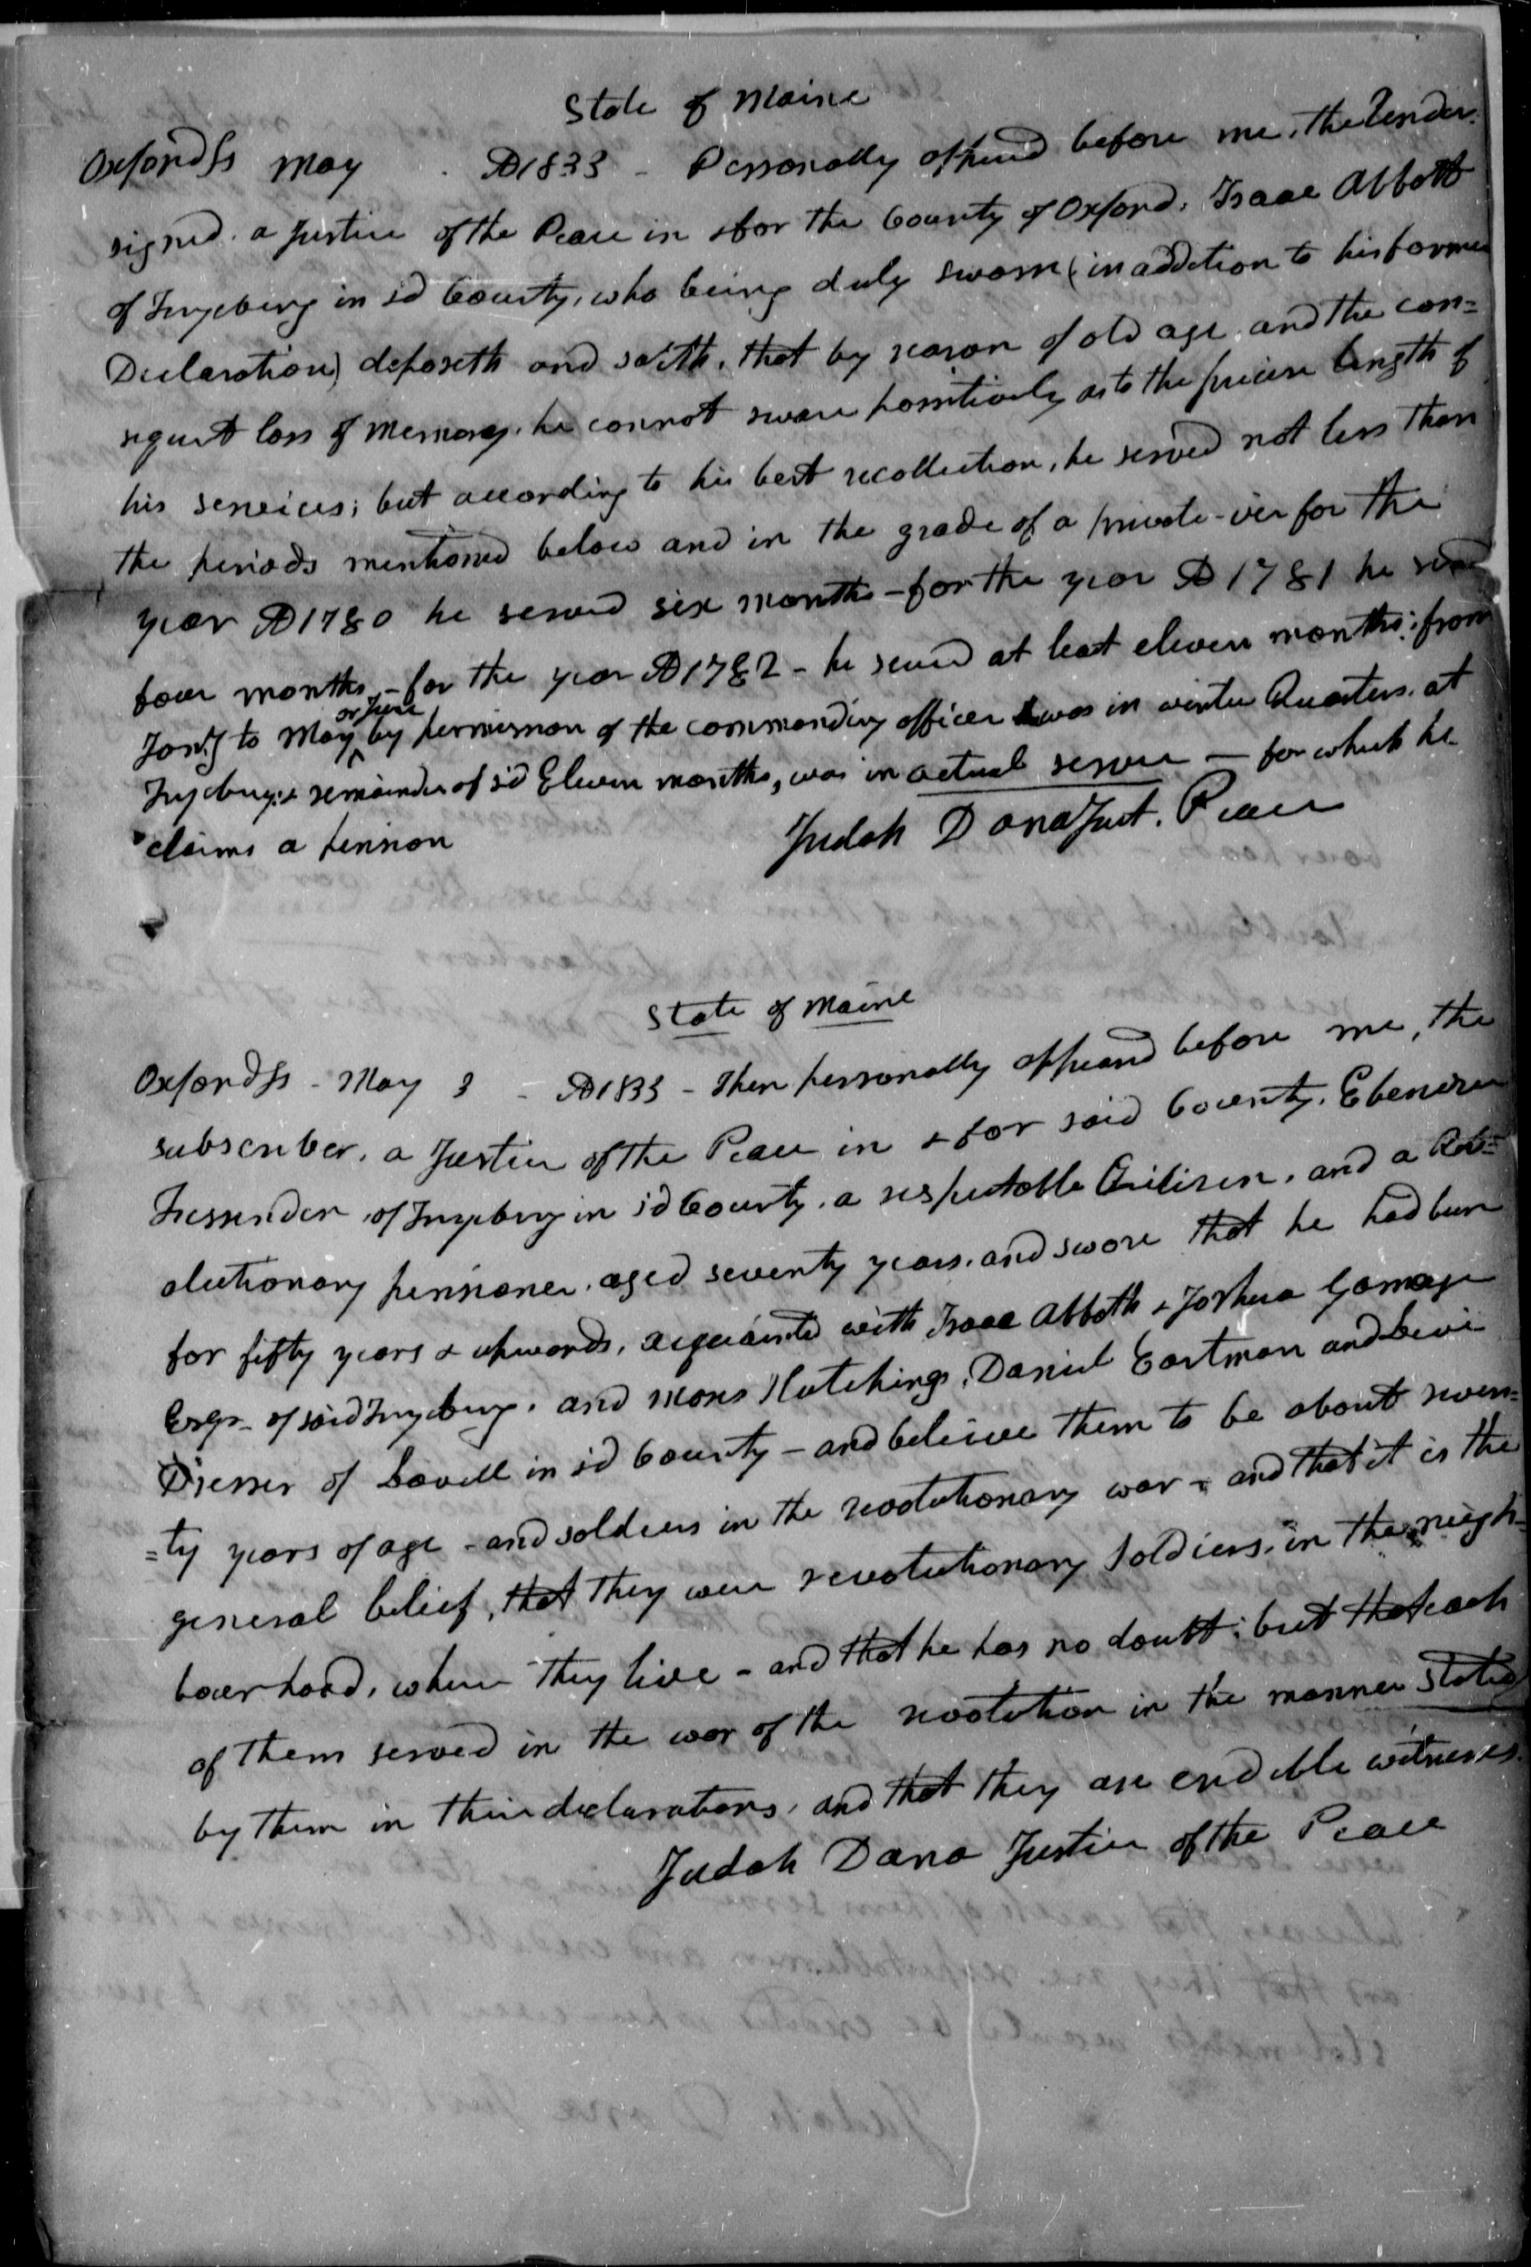State of Maine
Oxford ss. May A.D. 1833 - Personally appeared before me the undersigned, a Justice of the Peace in + for the County of Oxford. Isaac Abbott of Fryeburg in said County, who being duly sworn (in addition to his former Declaration) deposes and saith, that by reason of old age and the consequent loss of memory, he cannot swear positively as to the precise length of his services; but according to his best recollection, he served not less than the periods mentioned below and in the grade of a private - vis for the year A.D. 1780 he served six months - for the year A.D. 1781 he served four months - for the year A.D. 1782 - he served at least eleven months; from Jan'y to May or June by permission of the commanding officer was in within Quarters at Fryeburg + remained of said Eleven months, was in actual service - for which he claims pension.
[SIGNED: Judah Dana] Just. Peace

State of Maine
Oxford ss. - May 3 A.D. 1833 - Then personally appeared before me, the subscriber, a Justice of the Peace in + for said County. Ebenezer Fessender, of Fryeburg, in said County, a respectable citizen, and a Revolutionary pensioner, aged seventy years, and sworn that he had been for fifty years + upwards, acquainted with Isaac Abbott + Joshua Gomage, Esq. of said Fryeburg, and [illegible] Hutchings, Daniel Eastman and Levi Dresser of Sovell in said County - and believe them to be about seventy years of age - and soldiers in the Revolutionary War - and that it is the general belief, that they were Revolutionary Soldiers, in the neighborhood, where they live - and that he has no doubt; but that each of them served in the War of the Revolution in the manner stated by them in their declarations, and that they are credible witnesses.
[SIGNED: Judah Dana] Justice of the Peace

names: Judah Dona, Levi Dresser, Ebenezer Fessender, Daniel Eastman, Joshua Gomage, Isaac Abbott, Isaac Abbott, Judah Dona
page: 10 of 86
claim: survivor's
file: S 29,568, Isaac Abbot, Mass